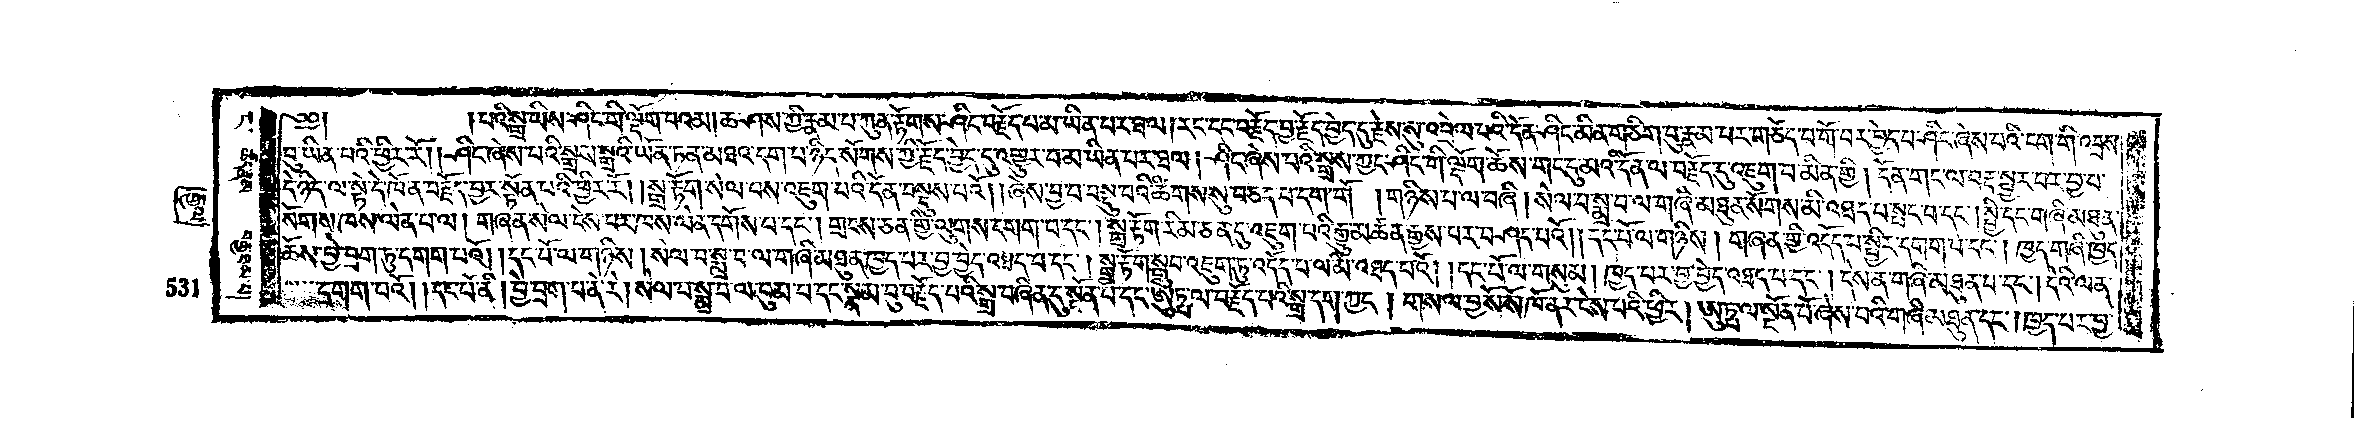༄༅། །པའི་སྒྲ་ཡིས་ཤིང་གི་ལྡོག་པའམ། ཆ་ཤེས་ཀྱི་རྣམ་པ་ཀུན་རྟོགས་ཤིང་བརྗོད་པ་མ་ཡིན་པར་ཐལ། རང་དང་བརྗོད་བྱ་རྗོད་བྱེད་དུ་རྗེས་སུ་འབྲེལ་པའི་དོན་ཤིང་མིན་གཅིག་བུ་རྣམ་པར་གཅོད་པ་གོ་བར་བྱེད་པ་ཤིང་ཞེས་པའི་ངག་གི་འབྲས་
བུ་ཡིན་པའི་ཕྱིར་རོ། །ཤིང་ཞེས་པའི་སྒྲས་སྒྲའི་ཡོན་ཏན་མཐའ་དག་པ་ཉིད་སོགས་ཀྱི་རྗོད་བྱེད་དུ་འགྱུར་བ་མ་ཡིན་པར་ཐལ། ཤིང་ཞེས་པའི་སྒྲས་ཀྱང་ཤིང་གི་ལྡོག་ཆོས་གང་དུ་མའི་དོན་ལ་བརྗོད་དུ་འཇུག་པ་མིན་གྱི་།དོན་གང་ལ་བརྡ་སྦྱར་བར་བྱ་བ་
དེ་ཉིད་ལ་སྟེ་དེ་ཁོ་ན་བརྗོད་བྱར་སྟོན་པའི་ཕྱིར་རོ། །སྒྲ་རྟོག་སེལ་བས་འཇུག་པའི་དོན་བསྡུས་པའོ། །ཞེས་བྱ་བ་བསྡུ་བའི་ཚིགས་སུ་བཅད་པ་དག་གོ །གཉིས་པ་ལ་བཞི། སེལ་བ་སྨྲ་བ་ལ་གཞི་མཐུན་སོགས་མི་འཐད་པ་སྤང་བ་དང་། སྤྱི་དང་གཞི་མཐུན་
སོགས་ཁས་ལེན་པ་ལ། གཞན་སེལ་ངེས་པར་ཁས་ལེན་དགོས་པ་དང་། གྲངས་ཅན་གྱི་ལུགས་དགག་པ་དང་། སྒྲ་རྟོག་རིམ་ཅན་དུ་འཇུག་པའི་རྒྱུ་མཚན་རྒྱས་པར་བཤད་པའོ། །དང་པོ་ལ་གཉིས། གཞན་གྱི་འདོད་པ་སྤྱིར་དགག་པ་དང་། ཁྱད་གཞི་ཁྱད་
ཆོས་བྱེ་བྲག་ཏུ་དགག་པའོ། །དང་པོ་ལ་གཉིས། སེལ་བ་སྨྲ་བ་ལ་གཞི་མཐུན་ཁྱད་པར་བྱ་བྱེད་འཐད་པ་དང་། སྒྲ་རྟོག་སྒྲུབ་འཇུག་ཏུ་འདོད་པ་ལ་མི་འཐད་པའོ། །དང་པོ་ལ་གསུམ། ཁྱད་པར་བྱ་བྱེད་འཐད་པ་དང་། དེས་ན་གཞི་མཐུན་པ་དང་། དེའི་ལན་
དགག་པའོ། །དང་པོ་ནི། བྱེ་བྲག་པ་ན་རེ། སེལ་བ་སྨྲ་བ་ལ་བུམ་པ་དང་སྣམ་བུ་བརྗོད་པའི་སྒྲ་བཞིན་དུ་སྔོན་པ་དང་ཨུཏཔ་ལ་བརྗོད་པའི་སྒྲ་དག་ཀྱང་། གསལ་བྱ་སོ་སོ་ཁོ་ནར་ངེས་པའི་ཕྱིར། ཨུཏཔ་ལ་སྔོན་པོ་ཞེས་པའི་གཞི་མཐུན་དང་། ཁྱད་པར་བྱ་